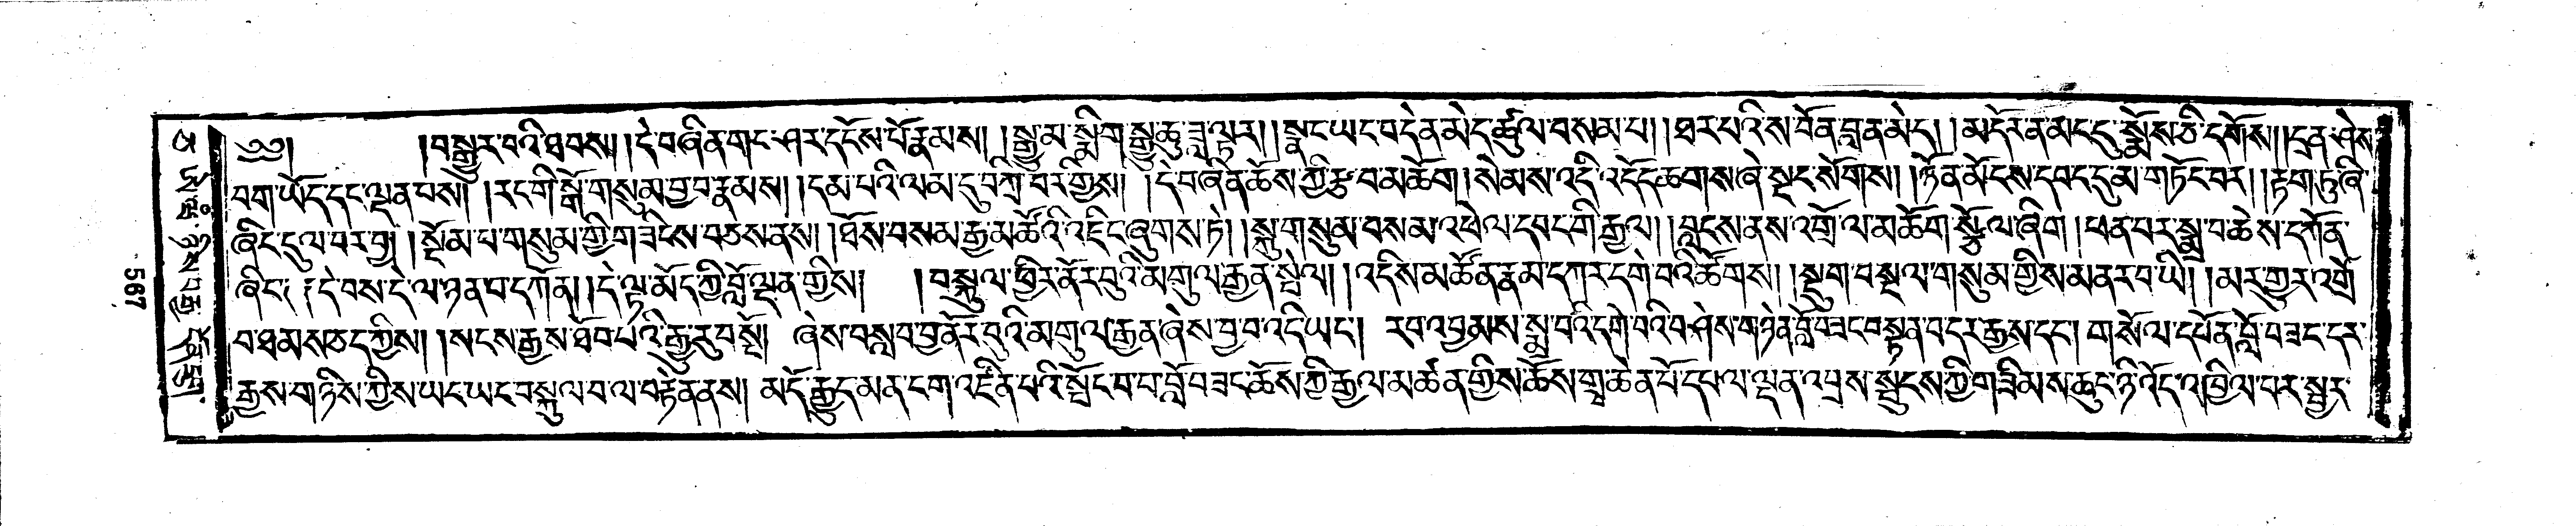༄༅། །བསྒྱུར་བའི་ཐབས། །དེ་བཞིན་གང་ཤར་དངོས་པོ་རྣམས། །སྒྱུ་མ་སྨིག་སྒྱུ་ཆུ་ཟླ་ལྟར། །སྣང་ཡང་བདེན་མེད་ཚུལ་བསམ་པ། །ཐར་པའི་ས་བོན་བླ་ན་མེད། །མདོར་ན་མང་དུ་སྨོས་ཅི་དགོས། །དྲན་ཤེས་
བག་ཡོད་དང་ལྡན་པས། །རང་གི་སྒོ་གསུམ་བྱ་བ་རྣམས། །དམ་པའི་ལམ་དུ་བཀྲི་བར་གྱིས། །དེ་བཞིན་ཆོས་ཀྱི་རྩ་བ་མཆོག །སེམས་འདི་འདོད་ཆགས་ཞེ་སྡང་སོགས། །ཉོན་མོངས་དབང་དུ་མ་གཏོང་བར། །རྟག་ཏུ་ཞི་
ཞིང་དུལ་བར་བྱ། །སྡོམ་པ་གསུམ་གྱི་གཟིངས་བཅས་ནས། །ཐོས་བསམ་རྒྱ་མཚོའི་འཇིང་ཞུགས་ཏེ། །སྐུ་གསུམ་བསམ་འཕེལ་དབང་གི་རྒྱལ། །བླངས་ནས་འགྲོ་ལ་མཆོག་སྩོལ་ཞིག །ཕན་པར་སྨྲ་བ་ཆེས་དཀོན་
ཞིང་། །དེ་བས་དེ་ལ་ཉན་པ་དཀོན། །དེ་ལྟ་མོད་ཀྱི་བློ་ལྡན་གྱིས། །བསྐུལ་ཕྱིར་ནོར་བུའི་མགུལ་རྒྱན་སྤེལ། །འདིས་མཚོན་རྣམ་དཀར་དགེ་བའི་ཚོགས། །སྡུག་བསྔལ་གསུམ་གྱིས་མནར་བ་ཡི། །མར་གྱུར་འགྲོ་
བ་ཐམས་ཅད་ཀྱིས། །སངས་རྒྱས་ཐོབ་པའི་རྒྱུ་རུ་བསྔོ། ཞེས་བསླབ་བྱ་ནོར་བུའི་མགུལ་རྒྱན་ཞེས་བྱ་བ་འདི་ཡང་། རབ་འབྱམས་སྨྲ་བའི་དགེ་བའི་བཤེས་གཉེན་བློ་བཟང་བསྟན་པ་དར་རྒྱས་དང་། གསོལ་དཔོན་བློ་བཟང་དར་
རྒྱས་གཉིས་ཀྱིས་ཡང་ཡང་བསྐུལ་བ་ལ་བརྟེན་ནས། མདོ་རྒྱུད་མན་ངག་འཛིན་པའི་སྤོང་བ་པ་བློ་བཟང་ཆོས་ཀྱི་རྒྱལ་མཚན་གྱིས་ཆོས་གྲྭ་ཆེན་པོ་དཔལ་ལྡན་འབྲས་སྤུངས་ཀྱི་གཟིམས་ཆུང་ཉི་འོད་འཁྱིལ་བར་སྦྱར་